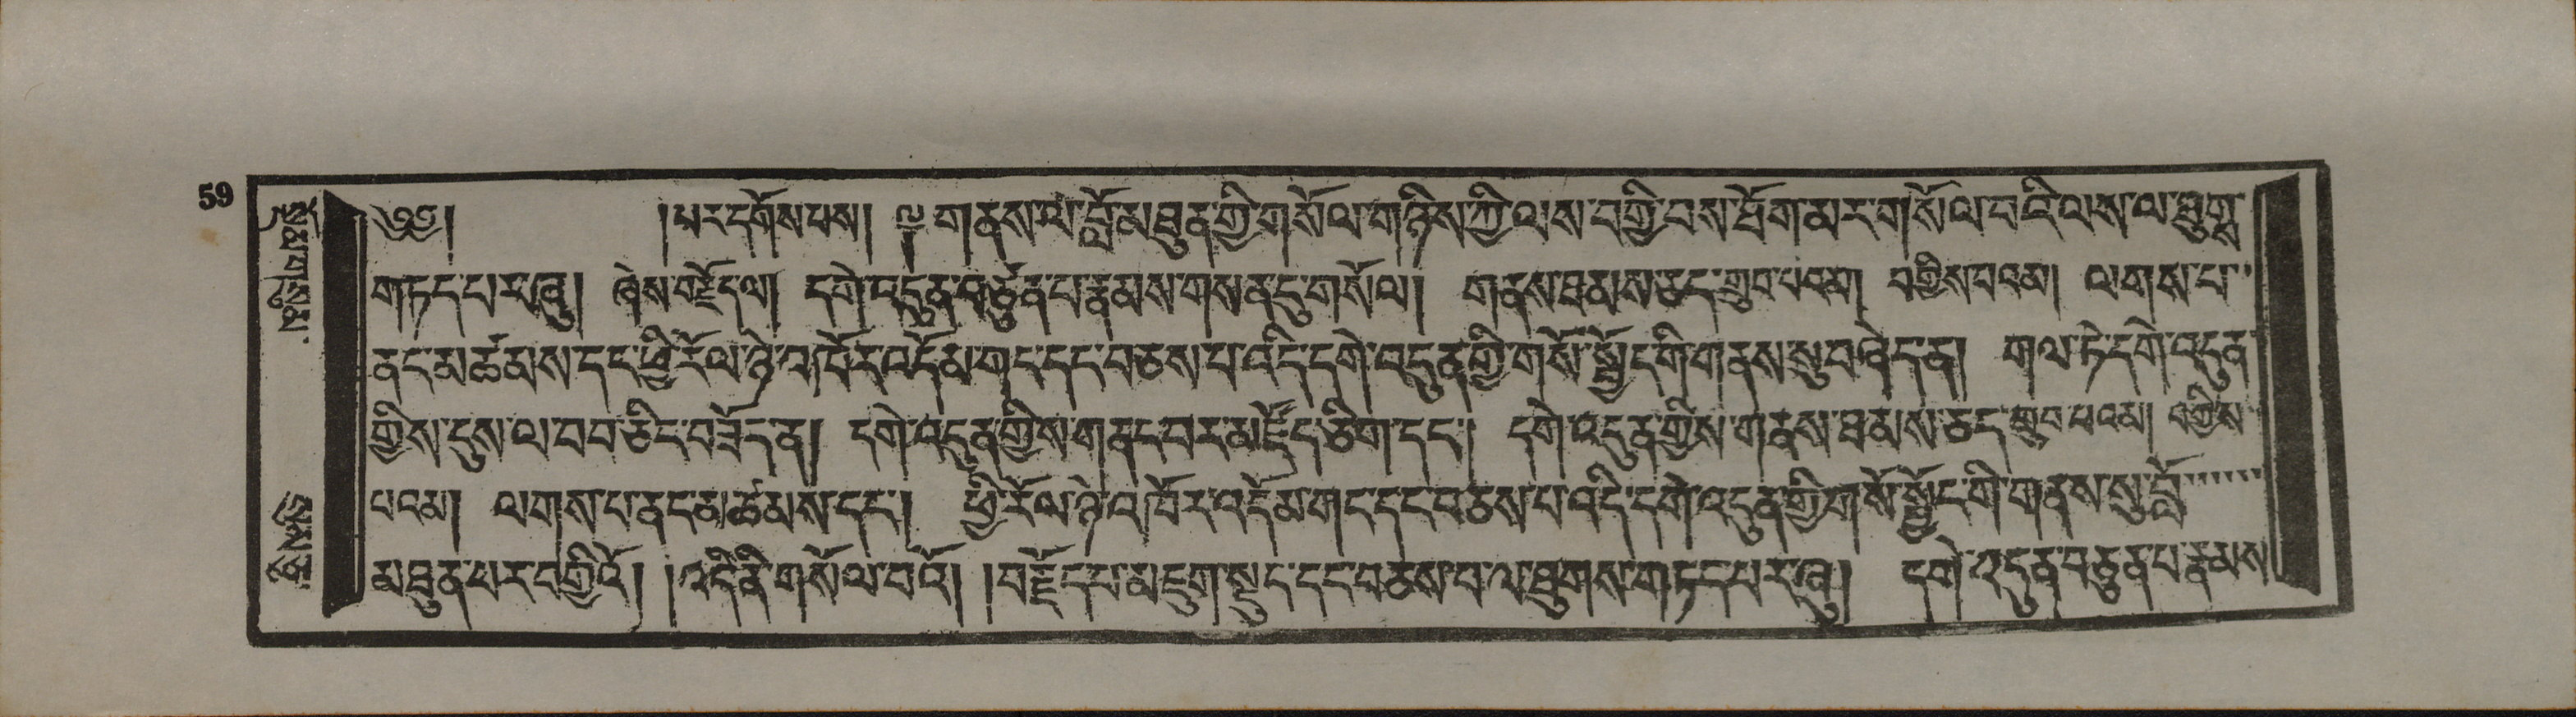༄༅། །པར་དགོས་པས། ༈ གནས་ལ་བློ་མཐུན་གྱི་གསོལ་གཉིས་ཀྱི་ལས་བགྱི་བས་ཐོག་མར་གསོལ་བའི་ལས་ལ་ཐུགས་
གཏད་པར་ཞུ། ཞེས་བརྗོད་ལ།  དགེ་འདུན་བཙུན་པ་རྣམས་གསན་དུ་གསོལ། གནས་ཐམས་ཅད་གྲུབ་པའམ། བགྱིས་པའམ། ལགས་པ་
ནང་མཚམས་དང་ཕྱི་རོལ་ཉེ་འཁོར་འདོམ་གང་དང་བཅས་པ་འདི་དགེ་འདུན་གྱི་གསོ་སྦྱོང་གི་གནས་སུ་བཞེད་ན། གལ་ཏེ་དགེ་འདུན་
གྱིས་དུས་ལ་བབ་ཅིང་བཟོད་ན། དགེ་འདུན་གྱིས་གནང་བར་མཛོད་ཅིག་དང་། དགེ་འདུན་གྱིས་གནས་ཐམས་ཅད་གྲུབ་པའམ། བགྱིས་
པའམ། ལགས་པ་ནང་མཚམས་དང་། ཕྱི་རོལ་ཉེ་འཁོར་འདོམ་གང་དང་བཅས་པ་འདི་དགེ་འདུན་གྱི་གསོ་སྦྱོང་གི་གནས་སུ་བློ་
མཐུན་པར་བགྱིའོ། །འདི་ནི་གསོལ་བའོ། །བརྗོད་པ་མཇུག་སྡུད་དང་བཅས་པ་ལ་ཐུགས་གཏད་པར་ཞུ། དགེ་འདུན་བཙུན་པ་རྣམས་